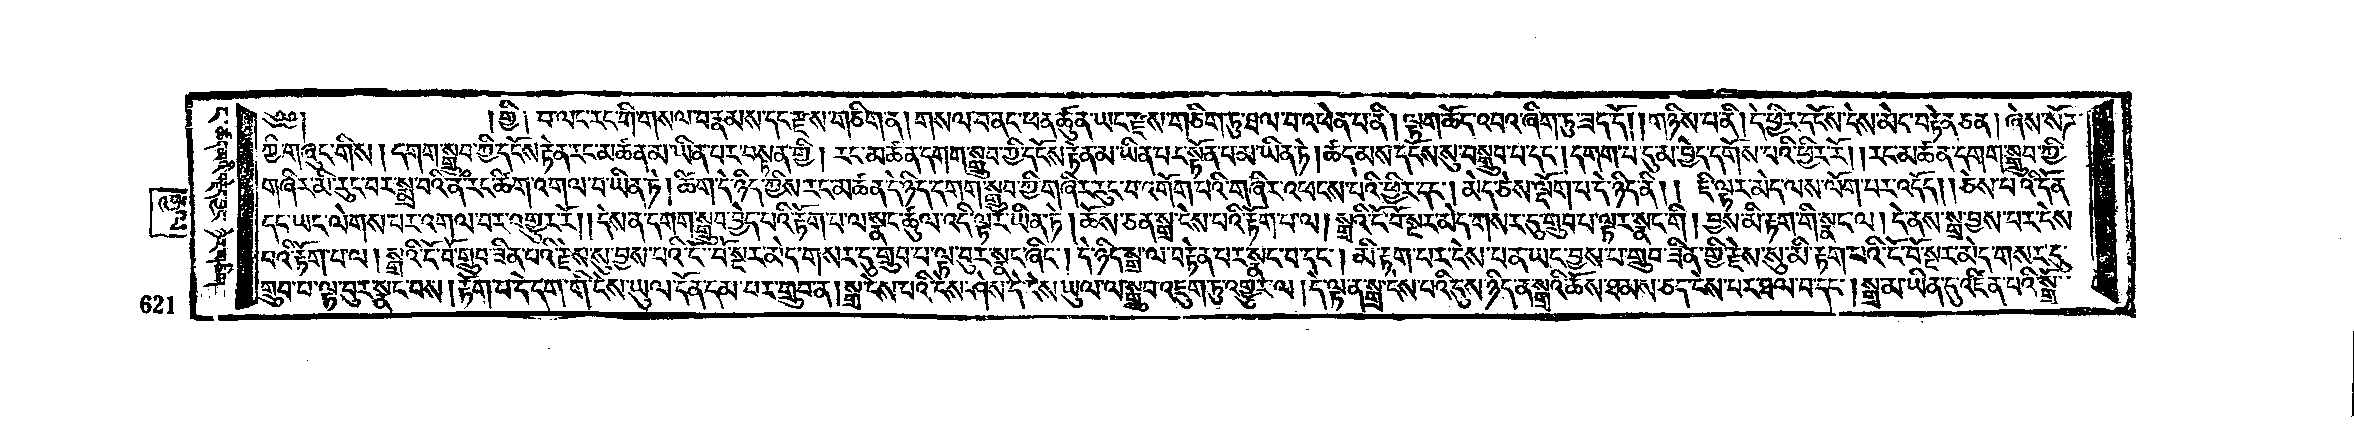༄༅། །གྱི། བ་ལང་རང་གི་གསལ་བ་རྣམས་དང་རྫས་གཅིག་ན། གསལ་བ་ནང་ཕན་ཚུན་ཡང་རྫས་གཅིག་ཏུ་ཐལ་བ་འཕེན་པ་ནི། ལྟ་ག་ཆོད་འབའ་ཞིག་ཏུ་ཟད་དོ། །གཉིས་པ་ནི། དེ་ཕྱིར་དངོས་ངེས་མེད་བརྟེན་ཅན། ཞེས་སོགས་
ཀྱི་གཞུང་གིས། དགག་སྒྲུབ་ཀྱི་དངོས་རྟེན་རང་མཚན་མ་ཡིན་པར་བསྟན་གྱི། རང་མཚན་དགག་སྒྲུབ་ཀྱི་དངོས་རྟེན་མ་ཡིན་པར་སྟོན་པ་ཡིན་ཏེ། ཚད་མས་དངོས་སུ་བསྒྲུབ་པ་དང་། དགག་པ་དུ་མ་བྱེད་དགོས་པའི་ཕྱིར་རོ། །རང་མཚན་དགག་སྒྲུབ་ཀྱི་
གཞིར་མི་རུང་བར་སྨྲ་བའི་ནི་རང་ཚིག་འགལ་བ་ཡིན་ཏེ། དེ་ཉིད་ཀྱིས་རང་མཚན་དེ་ཉིད་དགག་སྒྲུབ་ཀྱི་གཞིར་རུང་བ་འགོག་པའི་གཞིར་འཕངས་པའི་ཕྱིར་དང་། མེད་ཅེས་ལྡོག་པ་དེ་ཉིད་ནི། ཇི་ལྟར་མེད་ལས་ལོག་པར་འདོད། །ཅེས་པའི་དོན་
དང་ཡང་ལེགས་པར་འགལ་བར་འགྱུར་རོ། །དེས་ན་དགག་སྒྲུབ་བྱེད་པའི་རྟོག་པ་ལ་སྣང་ཚུལ་འདི་ལྟར་ཡིན་ཏེ། ཆོས་ཅན་སྒྲ་ངེས་པའི་རྟོག་པ་ལ། སྒྲའི་ངོ་བོ་སྔར་མེད་གསར་དུ་གྲུབ་པ་ལྟར་སྣང་གི། བྱས་མི་རྟག་གི་སྣང་ལ། དེ་ནས་སྒྲ་བྱས་པར་ངེས་
པའི་རྟོག་པ་ལ། སྒྲའི་ངོ་བོ་གྲུབ་ཟིན་པའི་རྗེས་སུ་བྱས་པའི་ངོ་བོ་སྔར་མེད་གསར་དུ་གྲུབ་པ་ལྟ་བུར་སྣང་ཞིང་། དེ་ཉིད་སྒྲ་ལ་བརྟེན་པར་སྣང་བ་དང་། མི་རྟག་པར་ངེས་པ་ན་ཡང་བྱས་པ་གྲུབ་ཟིན་གྱི་རྗེས་སུ་མི་རྟག་པའི་ངོ་བོ་སྔར་མེད་གསར་དུ་
གྲུབ་པ་ལྟ་བུར་སྣང་བས། རྟོག་པ་དེ་དག་གི་ངེས་ཡུལ་དོན་དམ་པར་གྲུབ་ན། སྒྲ་ངེས་པའི་ངེས་ཤེས་དེ་ངེས་ཡུལ་ལ་སྒྲུབ་འཇུག་ཏུ་འགྱུར་ལ། དེ་ལྟ་ན་སྒྲ་ངེས་པའི་དུས་ཉིད་ན་སྒྲའི་ཆོས་ཐམས་ཅད་ངེས་པར་ཐལ་བ་དང་། སྒྲ་མ་ཡིན་དུ་འཛིན་པའི་སྒྲོ་